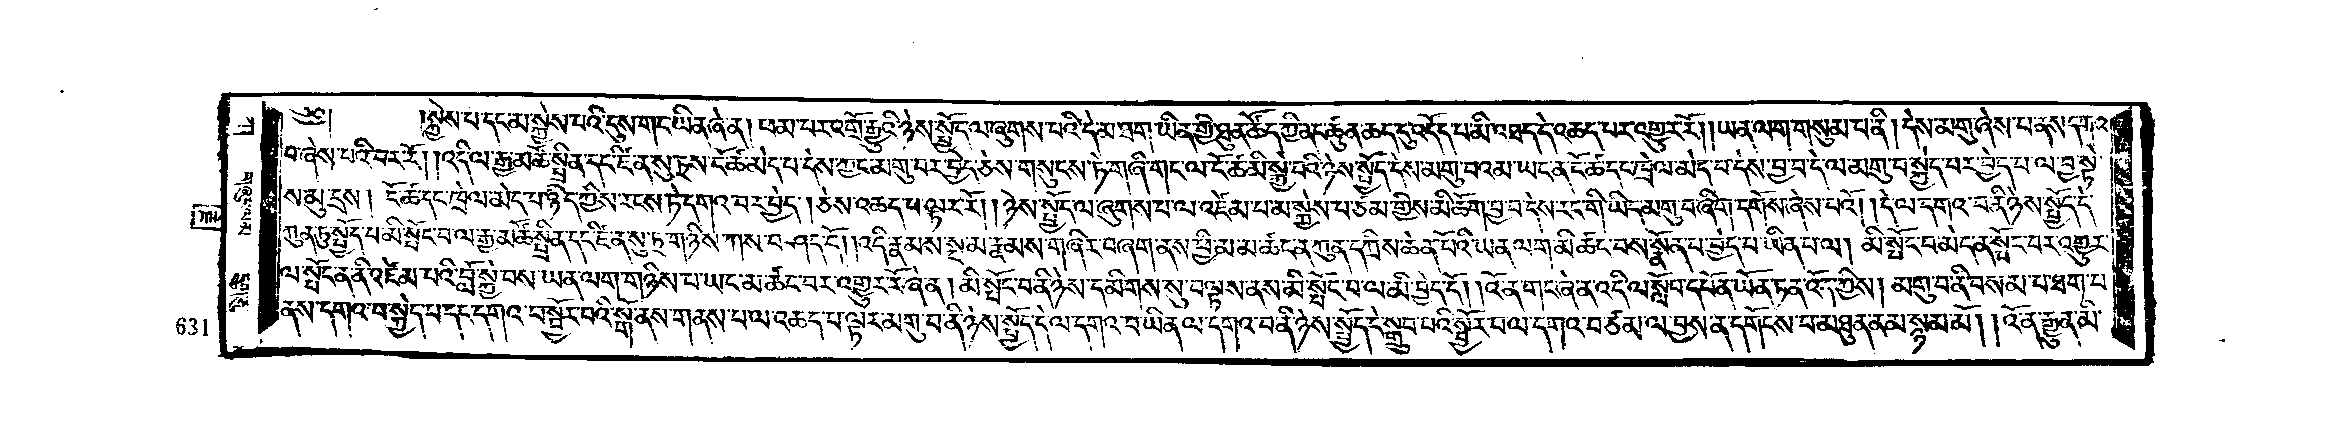༄༅། །སྐྱེས་པ་དང་མ་སྐྱེས་པའི་དུས་གང་ཡིན་ཞེ་ན། ཕམ་པར་འགྲོ་རྒྱུའི་ཉེས་སྤྱོད་ལ་ཞུགས་པའི་དེ་མ་ཐག་ཡིན་གྱི་ཐུན་ཚོད་ཀྱི་ནང་ཚུན་ཆད་དུ་འདོད་པ་མི་འཐད་དེ་འཆད་པར་འགྱུར་རོ། །ཡན་ལག་གསུམ་པ་ནི། དེས་མགུ་ཞེས་པ་ནས་དགའ་
བ་ཞེས་པའི་བར་རོ། །འདི་ལ་རྒྱ་མཚོ་སྤྲིན་དང་ཛི་ན་སུ་ཏྲས་ངོ་ཚ་མེད་པ་དེས་ཀྱང་མགུ་བར་བྱེད་ཅེས་གསུངས་ཏེ་གཞི་གང་ལ་ངོ་ཚ་མི་སྐྱེ་བའི་ཉེས་སྤྱོད་དེས་མགུ་བའམ་ཡང་ན་ངོ་ཚ་དང་ཁྲེལ་མེད་པ་དེས་བྱ་བ་དེ་ལ་མགུ་བ་སྐྱེད་པར་བྱེད་པ་ལ་བྱ་སྟེ་
ས་མུ་དྲས། ངོ་ཚ་དང་ཁྲེལ་མེད་པ་ཉིད་ཀྱིས་རངས་ཏེ་དགའ་བར་བྱེད། ཅེས་འཆད་པ་ལྟར་རོ། །ཉེས་སྤྱོད་ལ་ཞུགས་པ་ལ་འཛེམ་པ་མ་སྐྱེས་པ་ཙམ་གྱིས་མི་ཆོག་བྱ་བ་དེས་རང་གི་ཡིད་མགུ་བ་ཞིག་དགོས་ཞེས་པའོ། །དེ་ལ་དགའ་བ་ནི་ཉེས་སྤྱོད་དེ་
ཀུན་ཏུ་སྤྱོད་པ་མི་སྤོང་བ་ལ་རྒྱ་མཚོ་སྤྲིན་དང་ཛི་ན་སུ་ཏྲ་གཉིས་ཀས་བཤད་དོ། །འདི་རྣམས་སྔ་མ་རྣམས་གཞིར་བཞག་ནས་ཕྱི་མ་མ་ཚང་ན་ཀུན་དཀྲིས་ཆེན་པོའི་ཡན་ལག་མི་ཚང་བས་སྣོན་པ་བྱེད་པ་ཡིན་པ་ལ། མི་སྤོང་བ་མེད་ན་སྤོང་བར་འགྱུར་
ལ་སྤོང་ན་ནི་འཛེམ་པའི་བློ་སྐྱེ་བས་ཡན་ལག་གཉིས་པ་ཡང་མ་ཚང་བར་འགྱུར་རོ་ཞེ་ན། མི་སྤོང་བ་ནི་ཉེས་དམིགས་སུ་བལྟས་ནས་མི་སྤོང་བ་ལ་མི་བྱེད་དོ། །འོ་ན་གང་ཞེ་ན་འདི་ལ་སློབ་དཔོན་ཡོན་ཏན་འོད་ཀྱིས། མགུ་བ་ནི་བསམ་པ་ཐག་པ་
ནས་དགའ་བ་སྐྱེད་པ་དང་དགའ་བ་སྦྱོར་བའི་སྒོ་ནས་གནས་པ་ལ་འཆད་པ་ལྟར་མགུ་བ་ནི་ཉེས་སྤྱོད་དེ་ལ་དགའ་བ་ཡིན་ལ་དགའ་བ་ནི་ཉེས་སྤྱོད་དེ་སྒྲུབ་པའི་སྦྱོར་བ་ལ་དགའ་བ་ཙམ་ལ་བྱས་ན་དགོངས་པ་མཐུན་ནམ་སྙམ་མོ། །འོ་ན་རྒྱུན་མི་